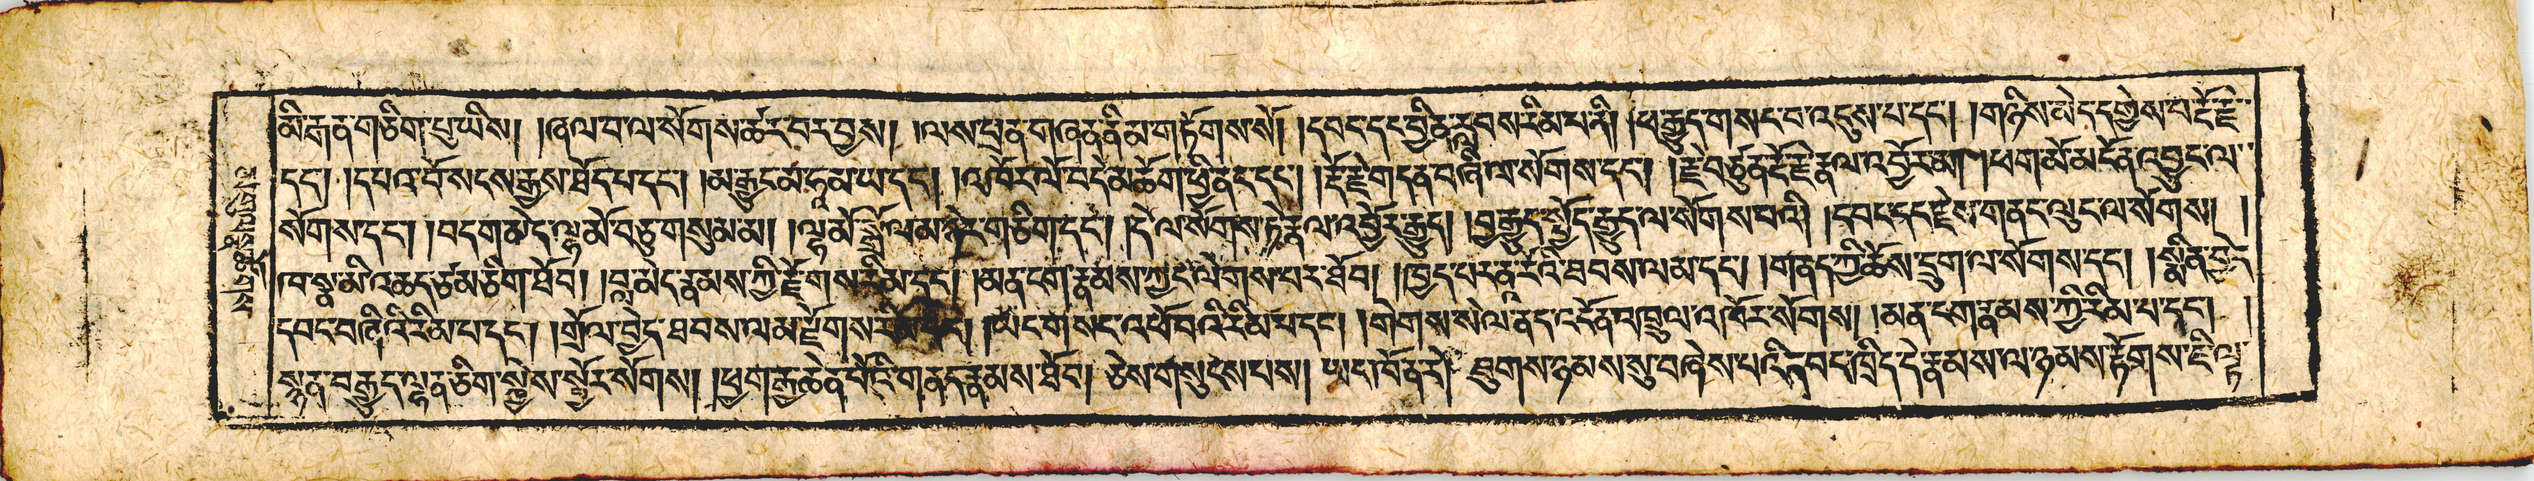མི་རྒན་གཅིག་པུ་ཡིས། །ཞལ་བ་ལ་སོགས་ཚར་བར་བྱས། ལས་ཕྲན་གཞན་ནི་མ་གཏོགས་སོ། །དབང་དང་བྱིན་རླབས་རིམ་པ་ནི། །ཕ་རྒྱུད་གསང་བ་འདུས་པ་དང་། །གཉིས་མེད་དགྱེས་པ་རྡོ་རྗེ་
དང་། །དཔའ་བོ་སངས་རྒྱས་ཐོད་པ་དང་། །མ་རྒྱུད་མ་ཧ་མ་ཡ་དང་། །འཁོར་ལོ་བདེ་མཆོག་ཕྱི་ནང་དང་། །རྡོ་རྗེ་གདན་བཞི་ལ་སོགས་དང་། །རྗེ་བཙུན་རྡོ་རྗེ་རྣལ་འབྱོར་མ། །ཕག་མོ་མངོན་འབྱུང་ལ་
སོགས་དང་། །བདག་མེད་ལྷ་མོ་བཅུ་གསུམ་མ། །ལྷ་མོ་སྦྲུལ་མ་ཉེར་གཅིག་དང་། །དེ་ལ་སོགས་ཏེ་རྣལ་འབྱོར་རྒྱུད། །བྱ་རྒྱུད་སྤྱོད་རྒྱུད་ལ་སོགས་པའི། །དབང་དང་རྗེས་གནང་ལུང་ལ་སོགས། །
ཁ་སྣ་མི་འཆད་ཙམ་ཅིག་ཐོབ། །བླ་མེད་རྣམས་ཀྱི་རྫོགས་རིམ་དང་། །མན་ངག་རྣམས་ཀྱང་ལེགས་པར་ཐོབ། །ཁྱད་པར་ནཱ་རོའི་ཐབས་ལམ་དང་། །གནད་ཀྱི་ཆོས་དྲུག་ལ་སོགས་དང་། །སྨིན་བྱེད་
དབང་བཞིའི་རིམ་པ་དང་། །གྲོལ་བྱེད་ཐབས་ལམ་རྫོགས་རེ་རེ། །ཡང་གསང་འཕོ་བའི་རིམ་པ་དང་། །གེགས་སེལ་ནད་འདོན་འཁྲུལ་འཁོར་སོགས། །མན་ངག་རྣམས་ཀྱི་རིམ་པ་དང་། །
སྙན་བརྒྱུད་ལྷན་ཅིག་སྐྱེས་སྦྱོར་སོགས། །ཕྱག་རྒྱ་ཆེན་པོའི་གནད་རྣམས་ཐོབ། ཅེས་གསུངས་པས། ཡང་ཁོ་ན་རེ། ཐུགས་ཉམས་སུ་བཞེས་པའི་དབང་ཁྲིད་དེ་རྣམས་ལ་ཉམས་རྟོགས་ཇི་ལྟ་